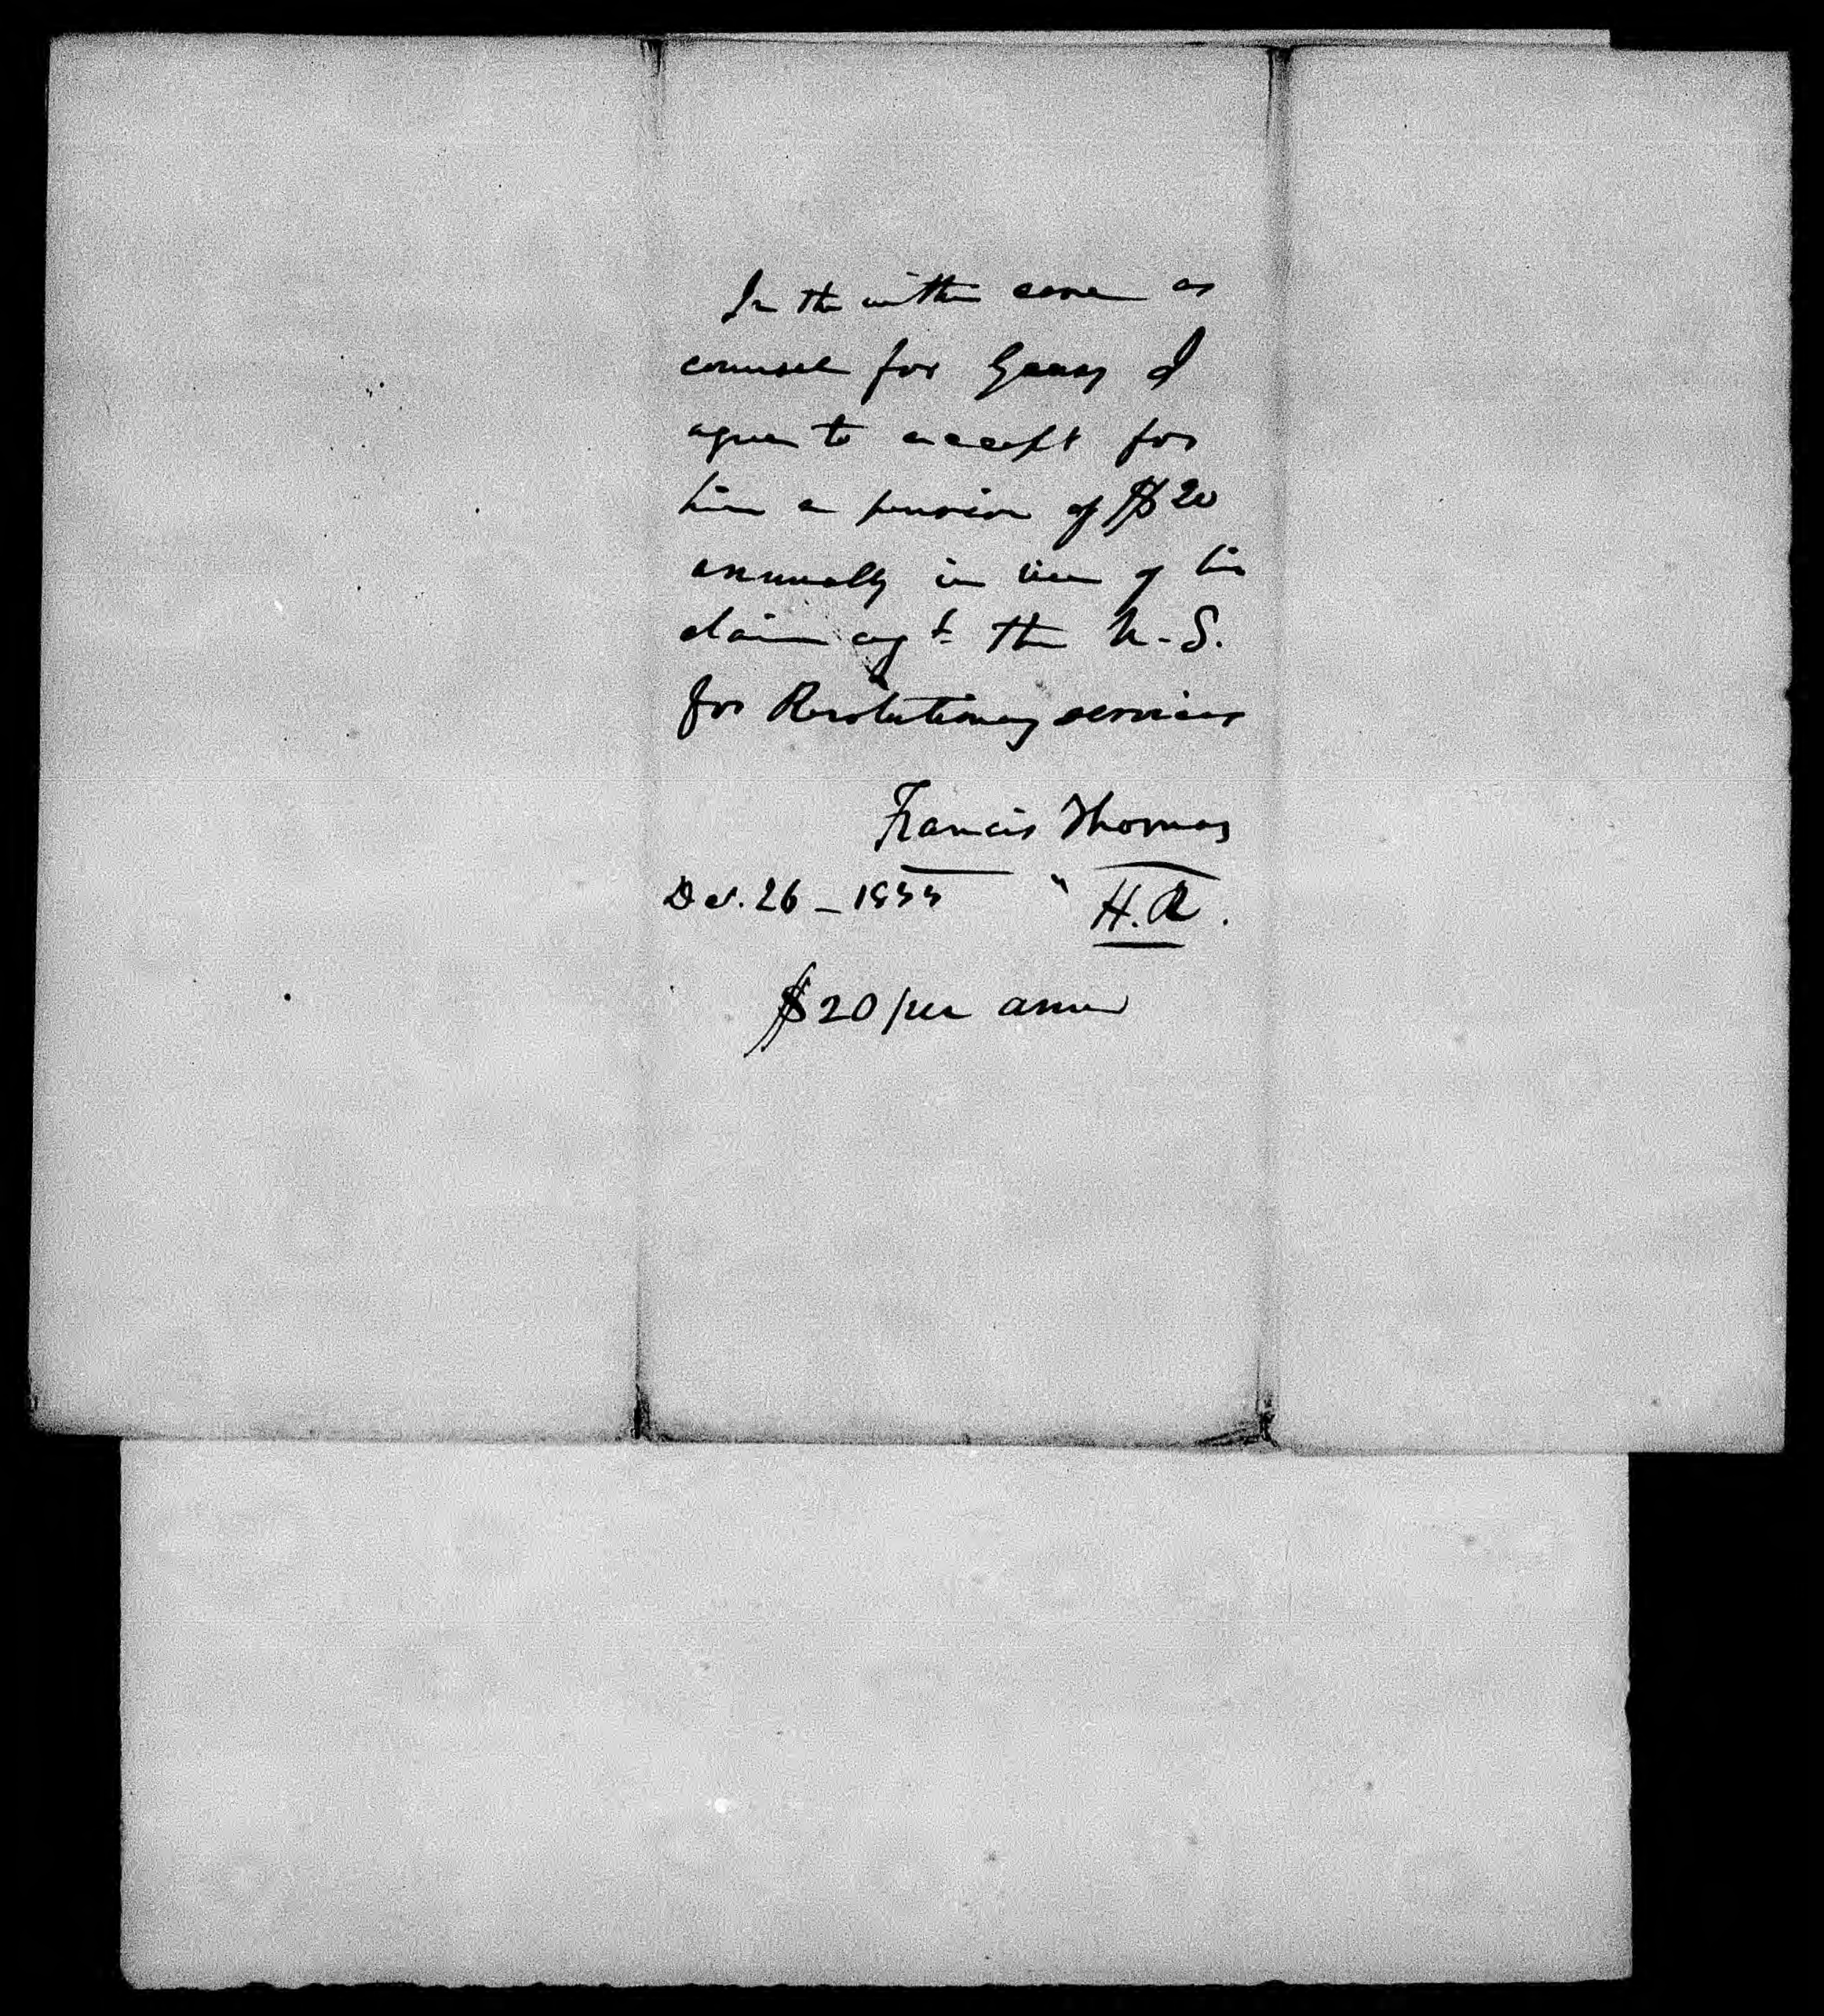In the within case as
counsel for Geasey I
agree to accept for
him a pension of $20
annually in lieu of his
claim agt. the U. S.
for Revolutionary services

[begin underline] Francis Thomas [end underline]
Dec. 26. 1833  [begin underline] H.R. [end underline]

$20 per annum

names: Geary, Francis Thomas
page: 7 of 11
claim: survivor's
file: S. 8554, Henry Geasey, Md.